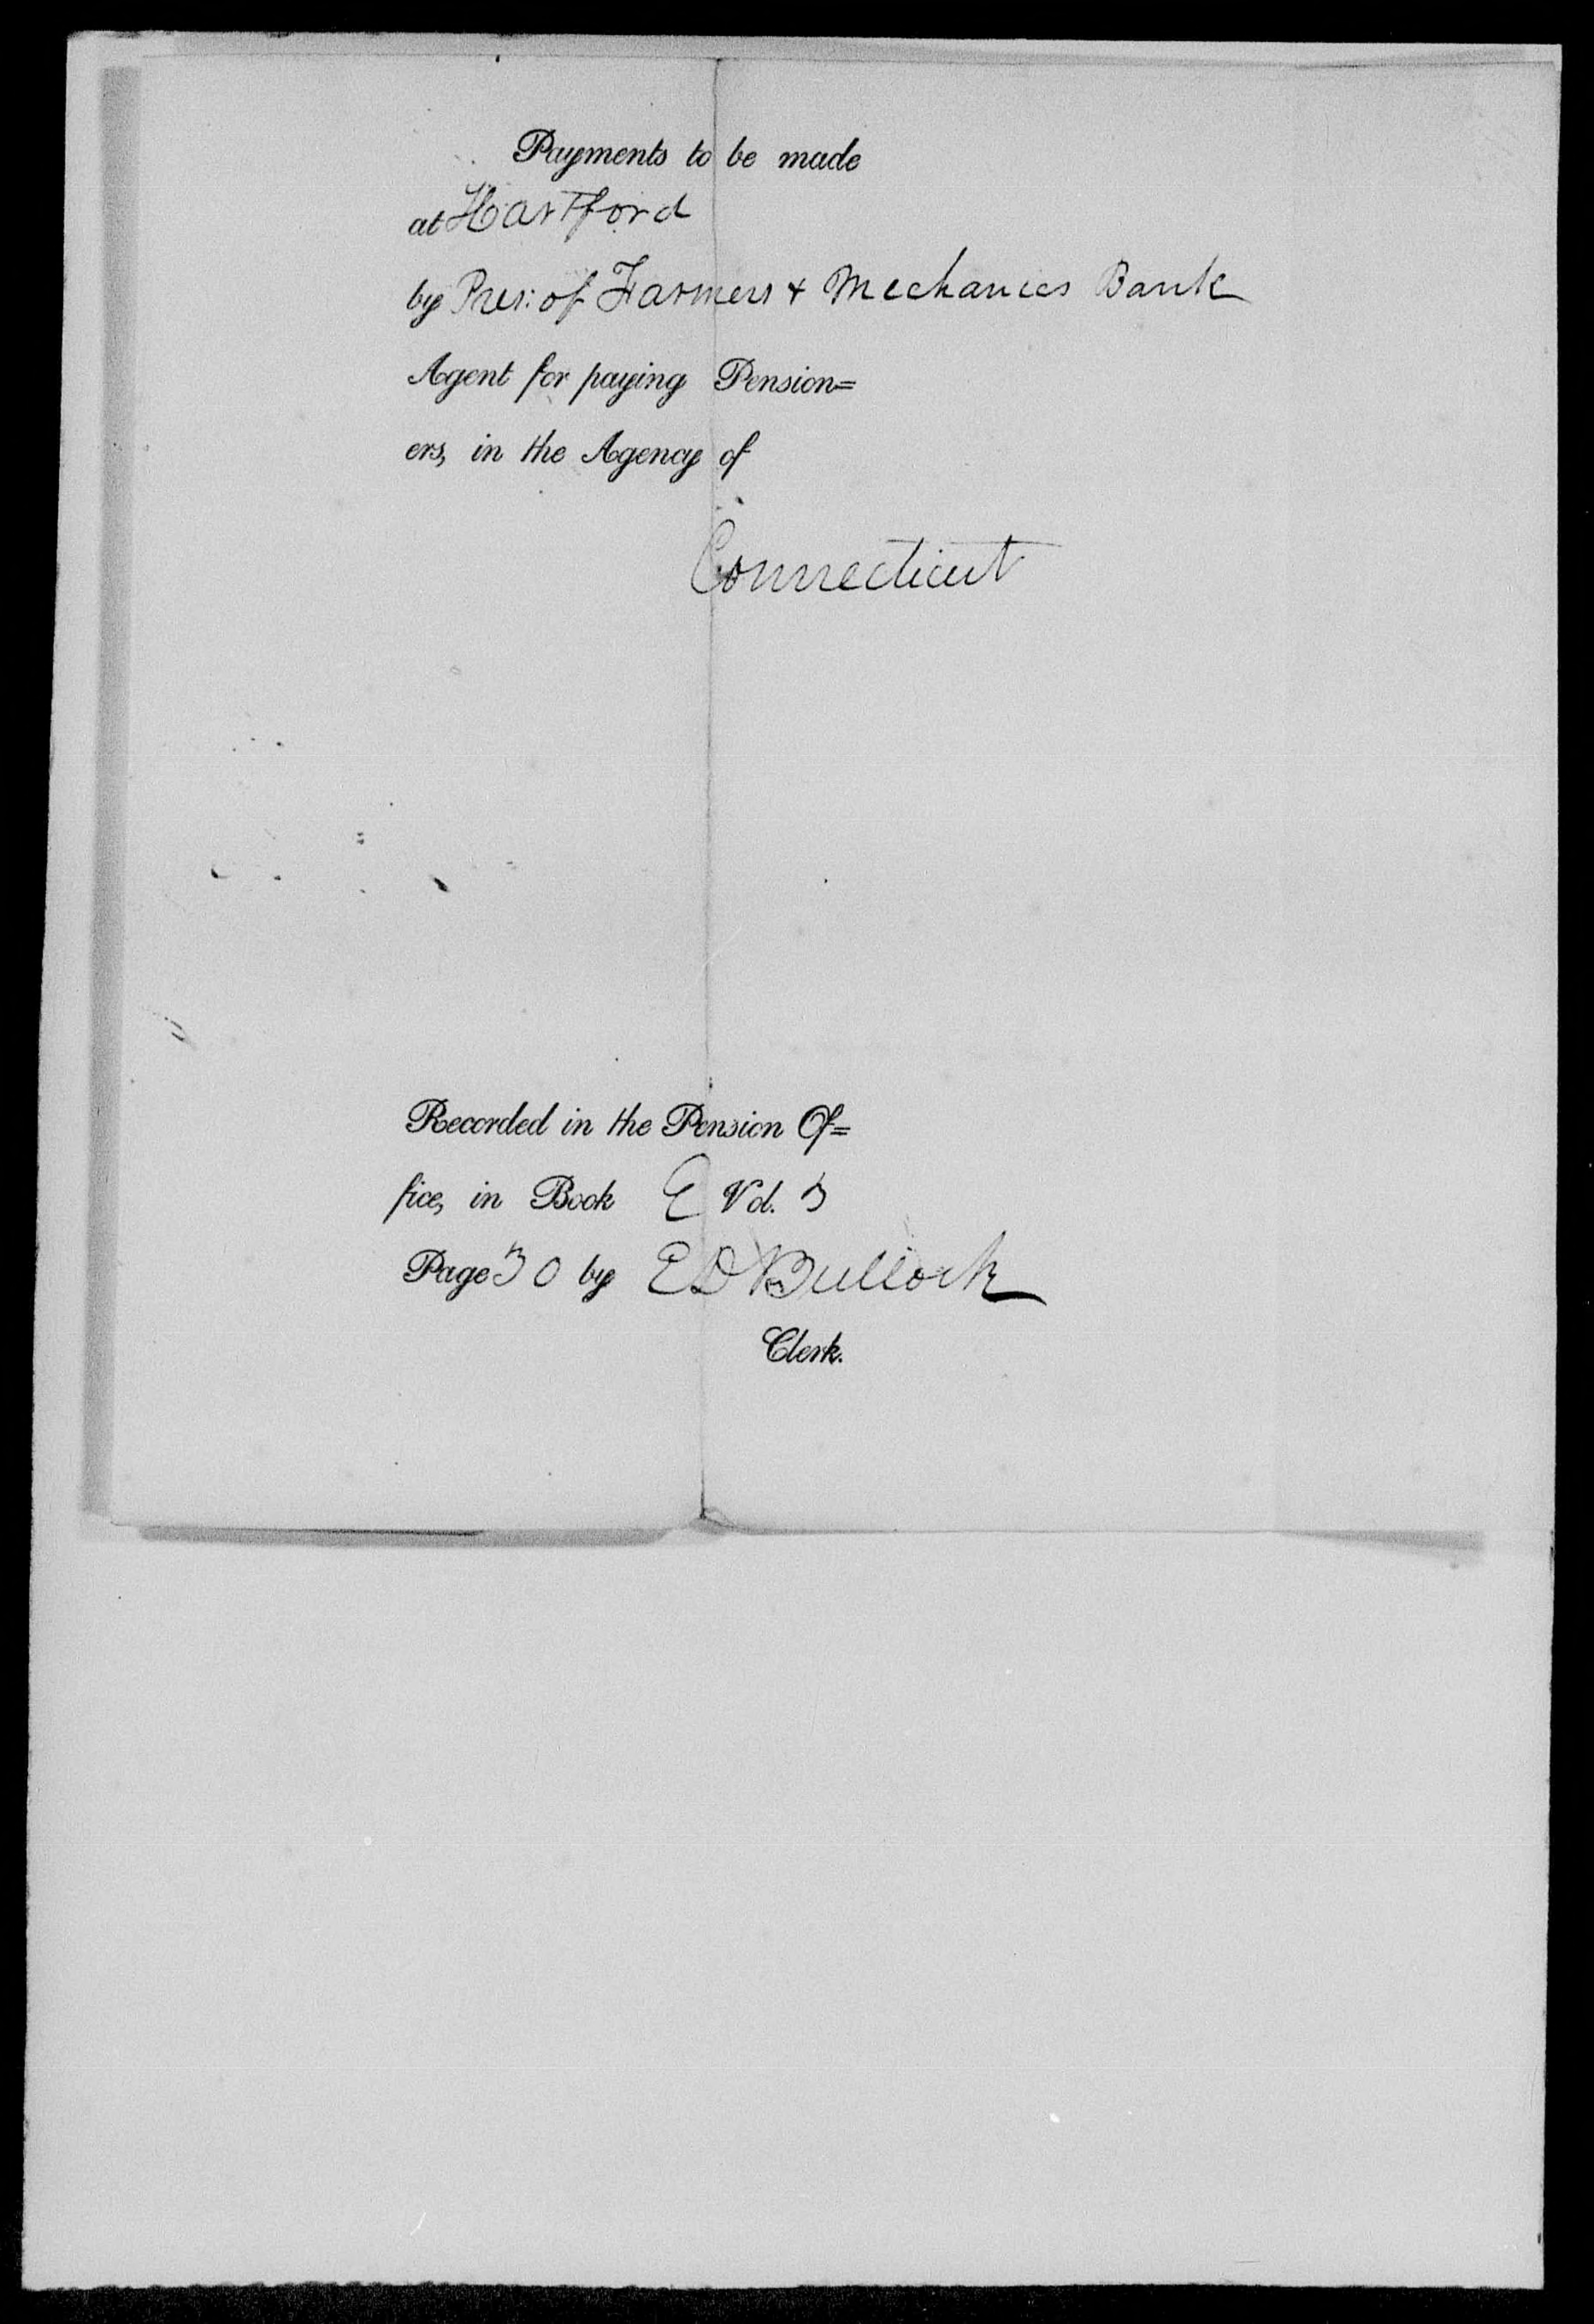Payments to be made
at Hartford
by Pres. of Farmers and Mechanics Bank
Agent for paying pensioners in the Agency of Connecticut
Recorded in the Pensions Office in Book E vol. S Page 30 by E D Bullock Clerk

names: E D Bullock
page: 33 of 76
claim: widow's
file: W. 5,250, Timothy Coe, Conn.